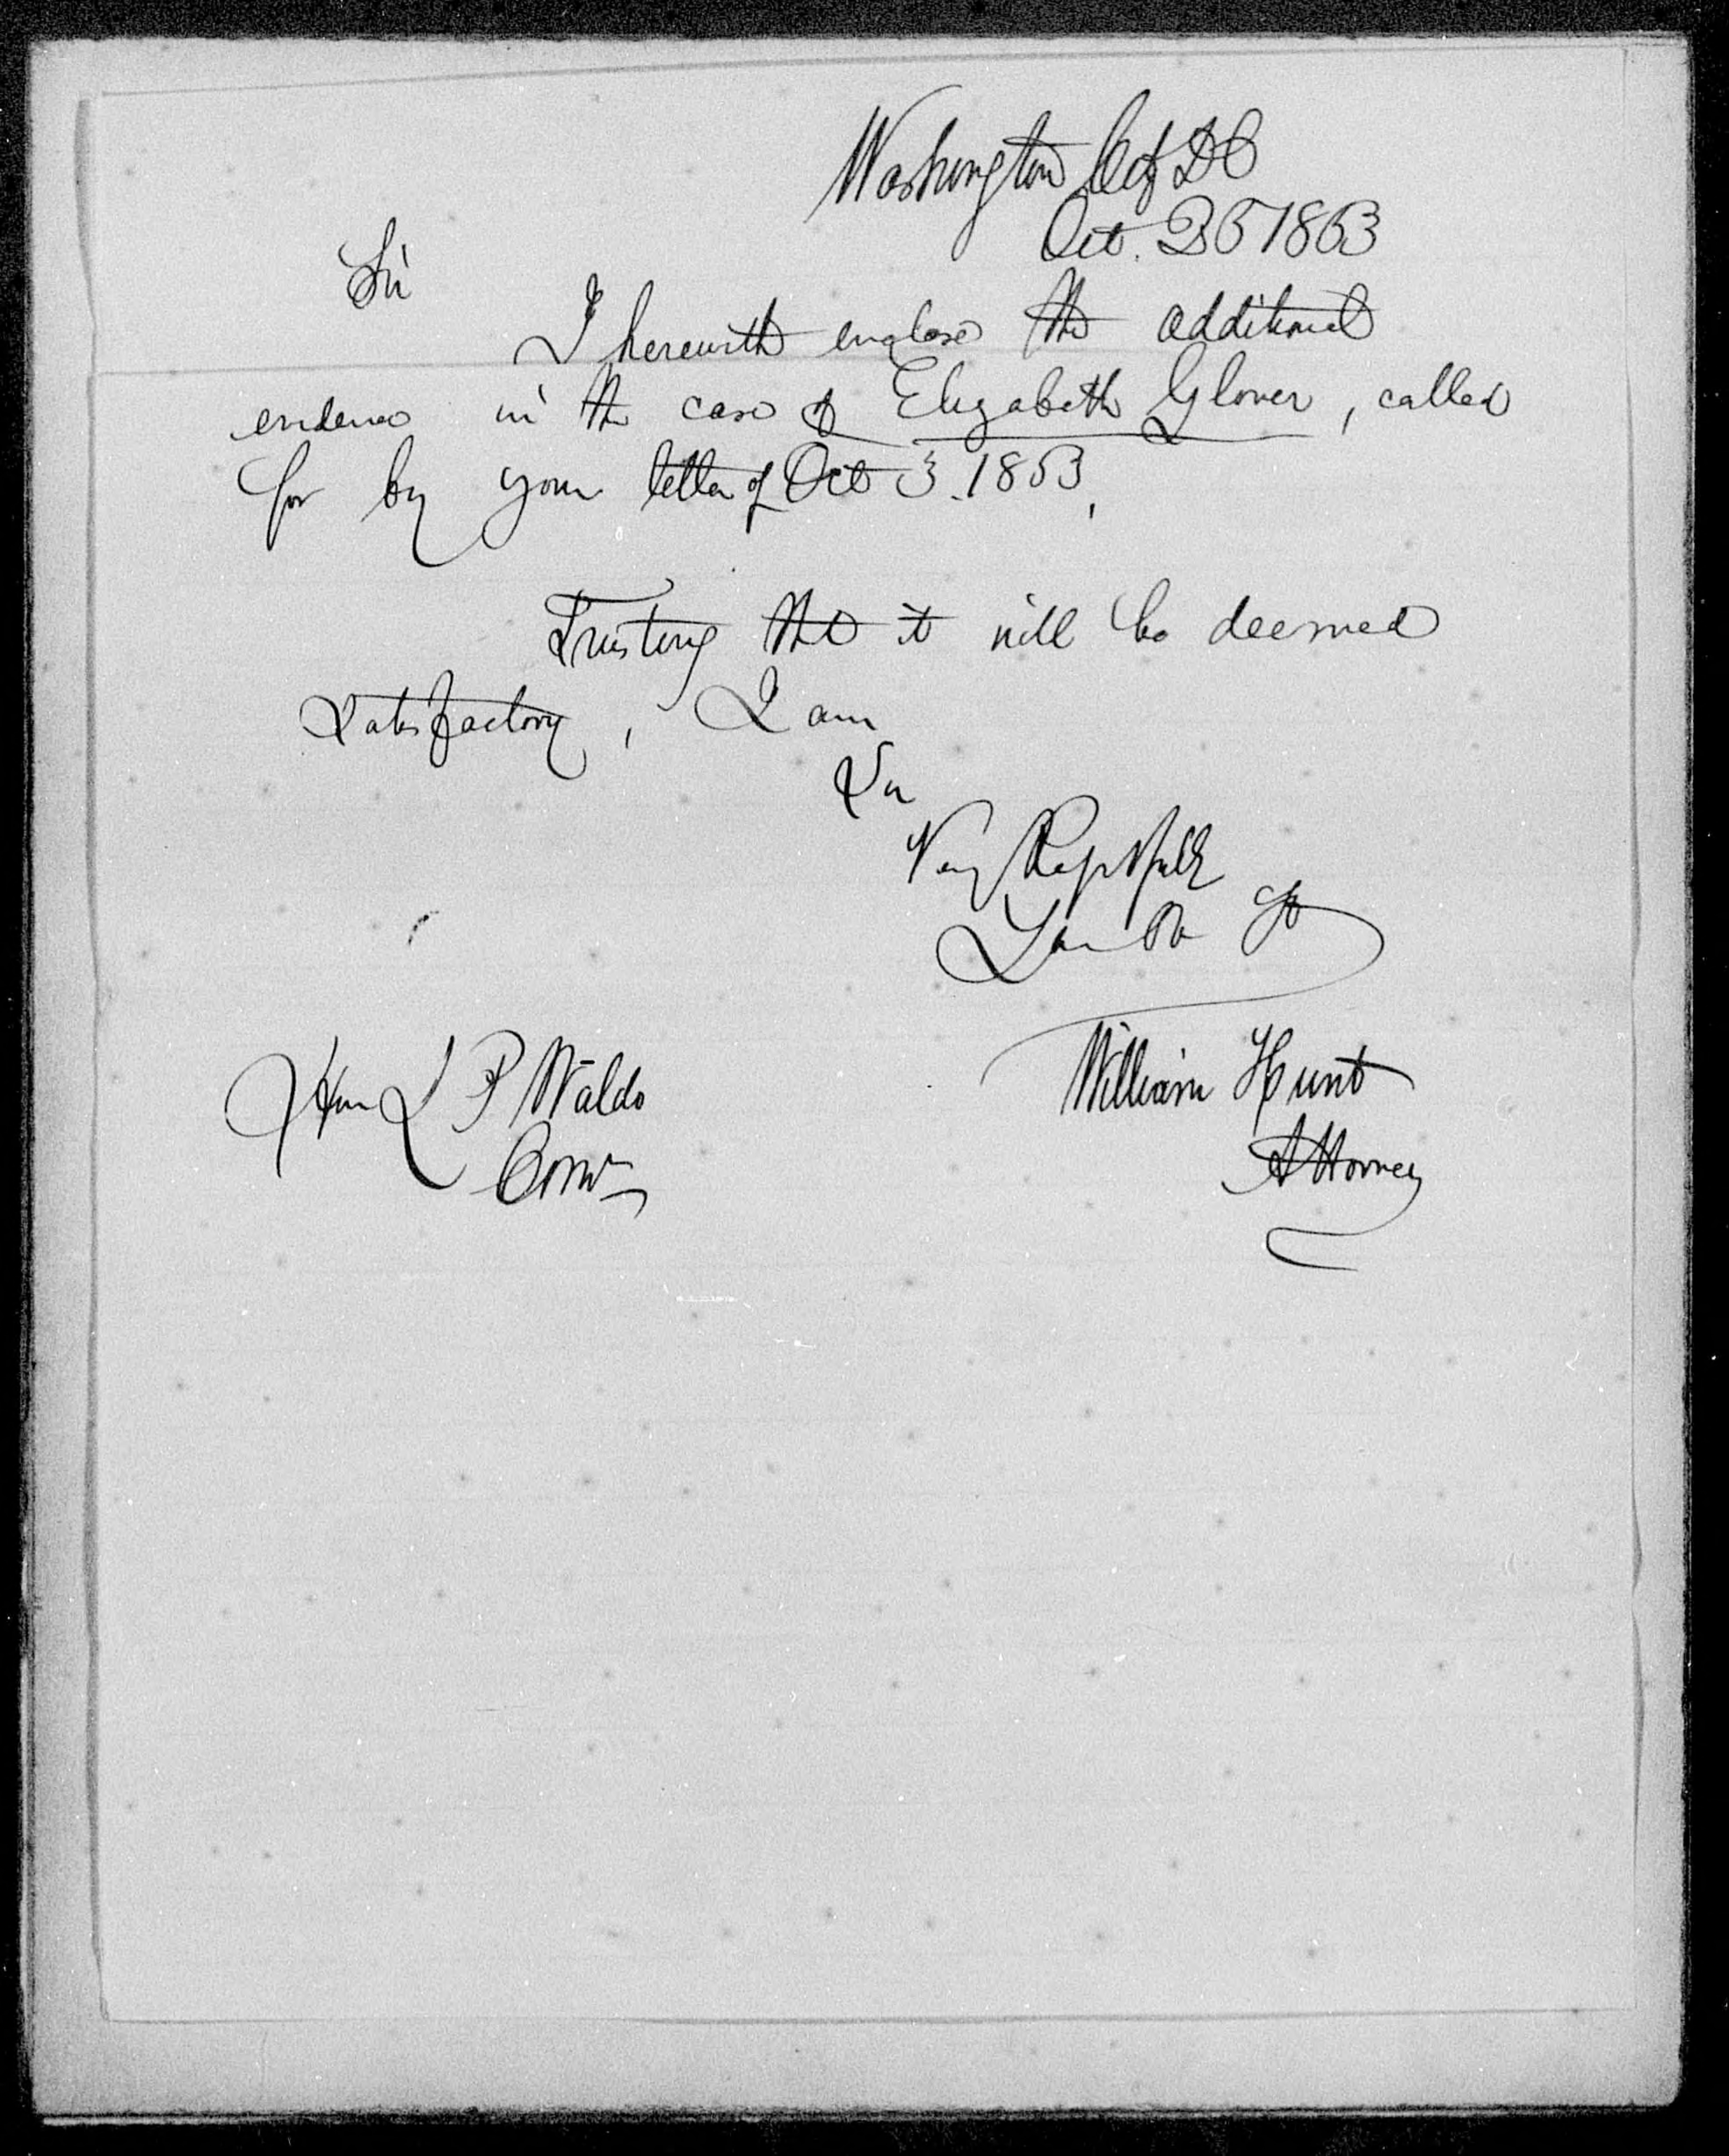Washington City DC
Oct. 25 1853

Sir 

Therewith enclosed the additional evidence in the case of Elizabeth Glover, called for by you letter of Oct 3, 1853.

Trusting that it will be deemed 
Satisfactory, I am Sure 

Very Respectfully 
Thank You 
William Hunt 
Attorney

Hon L P Waldo
Commisioner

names: Elizabeth Glover, William Hunt, L P Waldo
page: 29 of 51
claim: widow's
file: W. 929, William Glover, N.C.